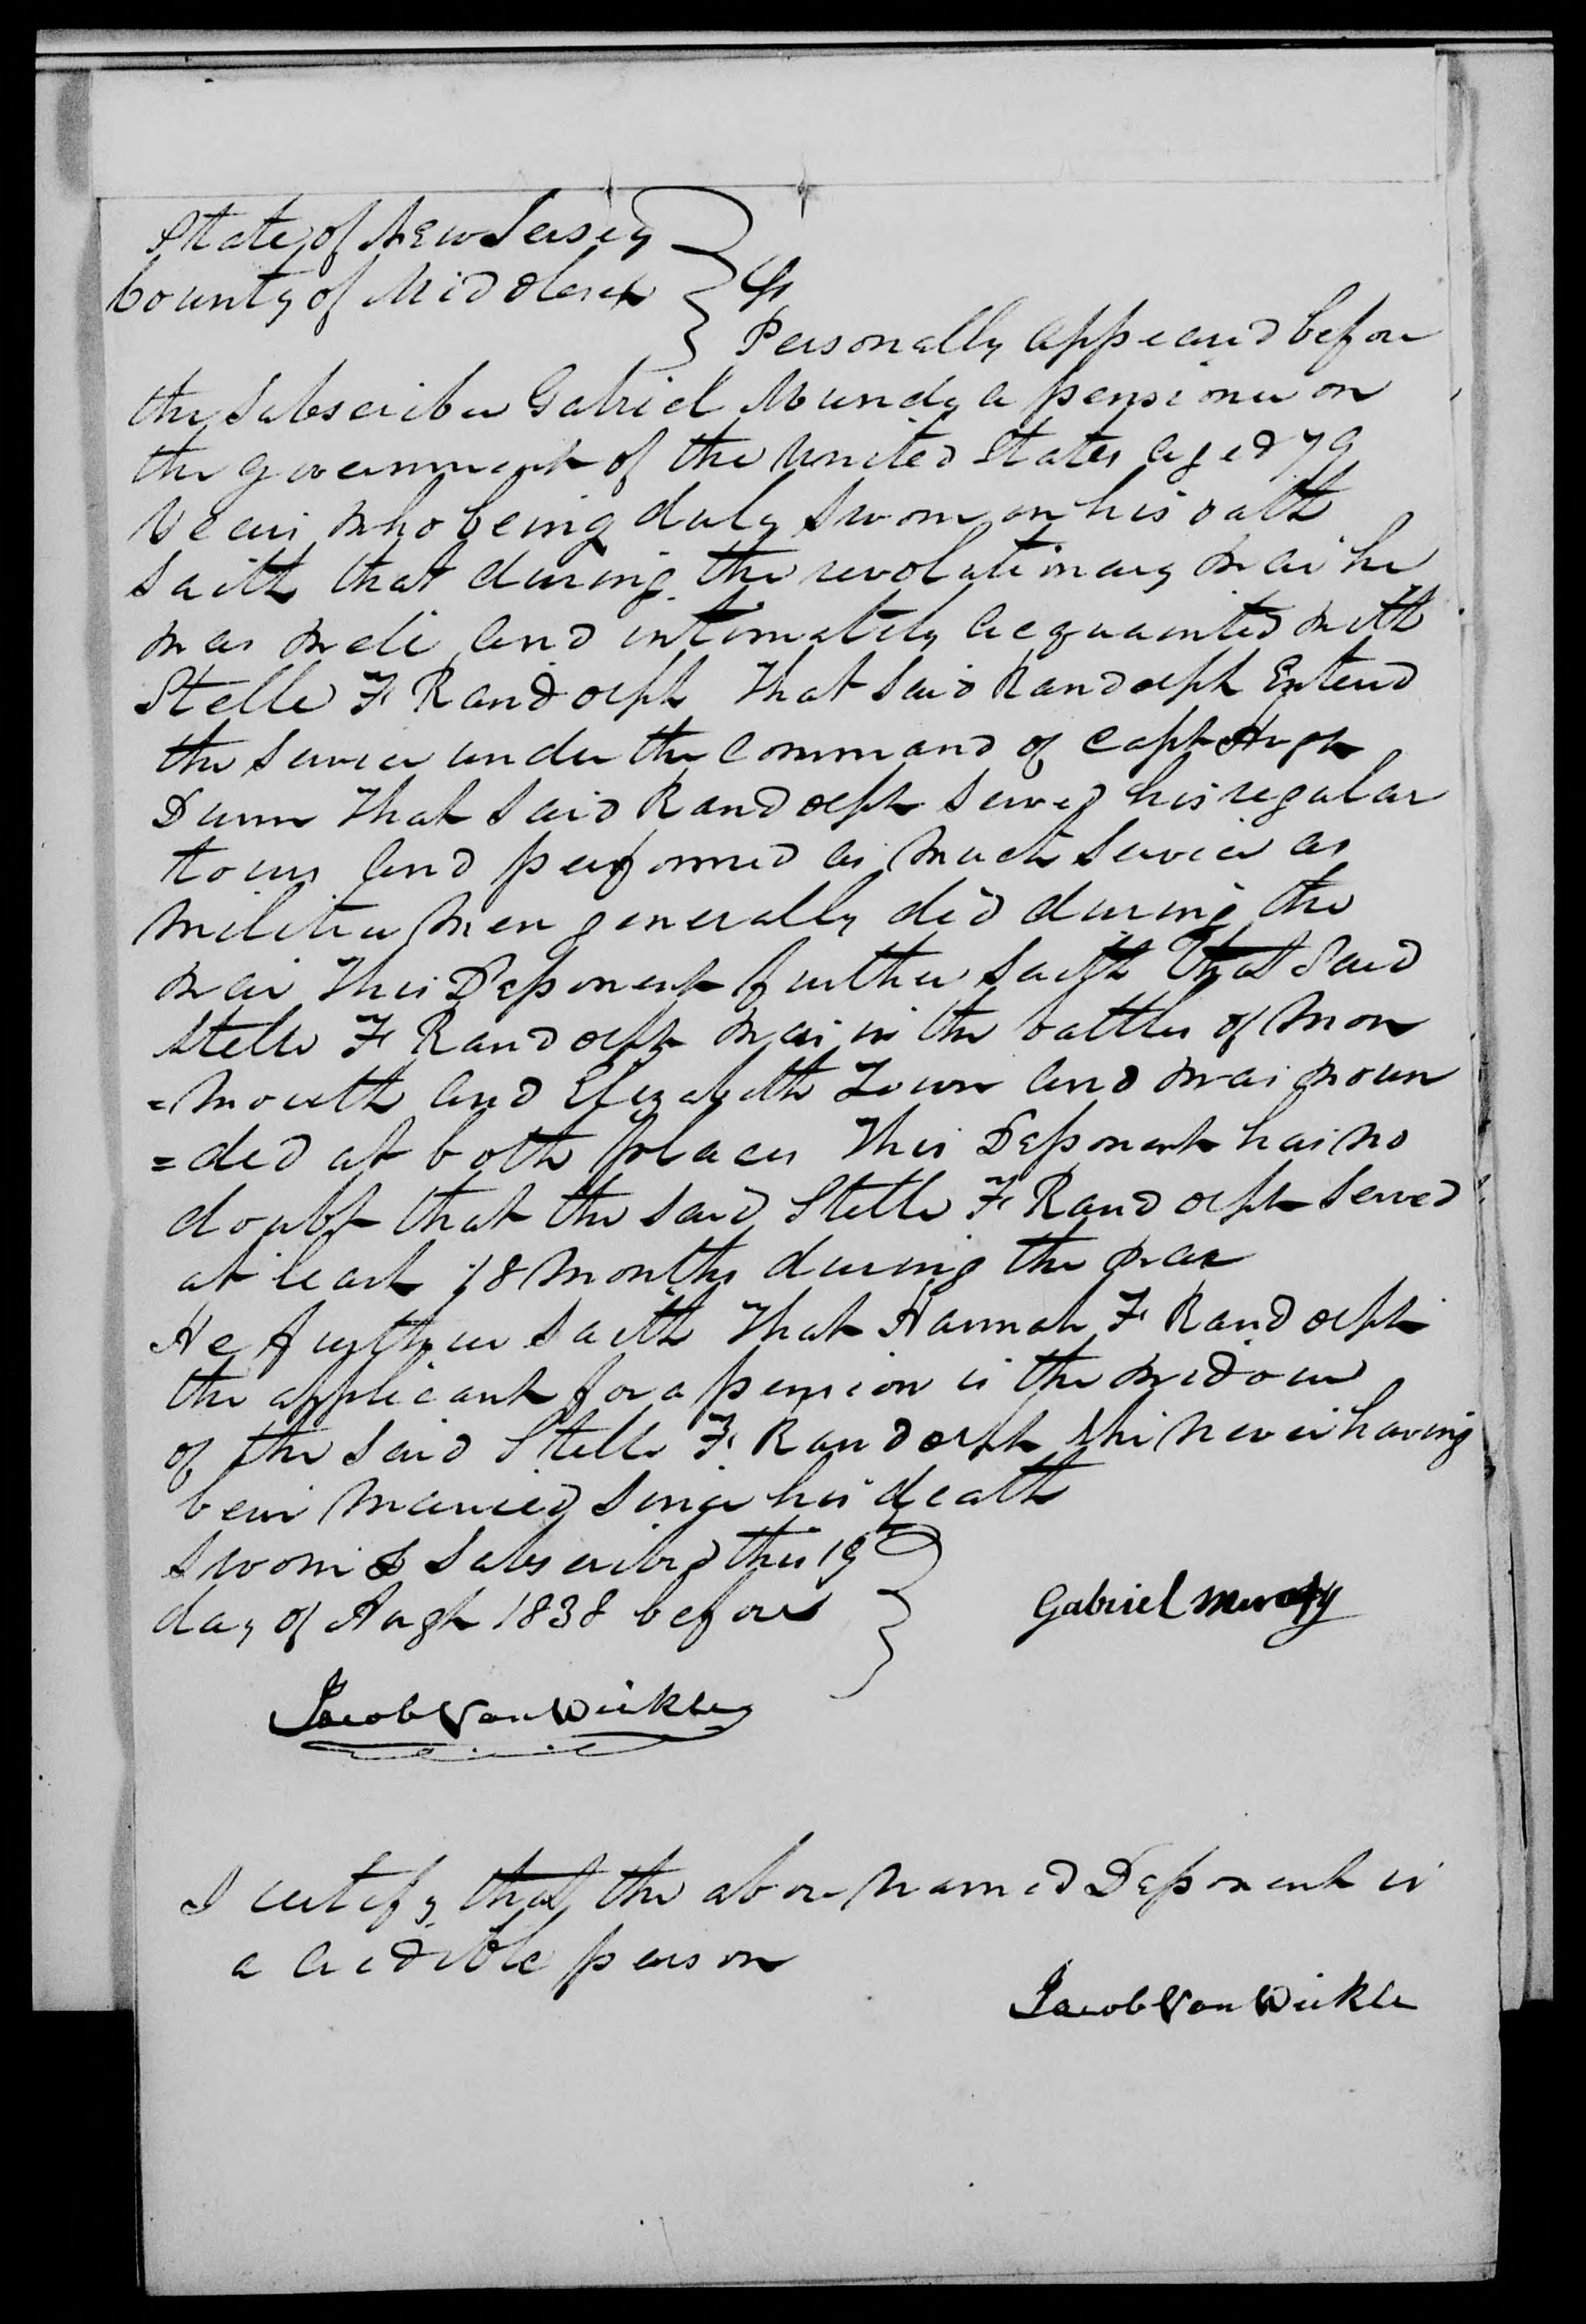State of New Jersey
County of Middlesex
fs
Personally appeared before the Subscriber Gabriel Mundy a pensioner on the government of the United States aged 79 years who being duly sworn on his oath saith that during the revolutionary war he was eli and intimately acquainted with Stelle F Randolph that said Randolph Entered the Service under the Command of Capt Hugh Dunn That said Randolph served his regular town and performed as much service as militia men generally did during the war. This deponent further saidth that said Stelle F Randolph was in the battle of Monmouth and Elizabeth Town and was found ded [dead] at both places. This deponent ha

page: 10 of 33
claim: widow's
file: W. 5,665, for Stelle F Randolph, New Jersey